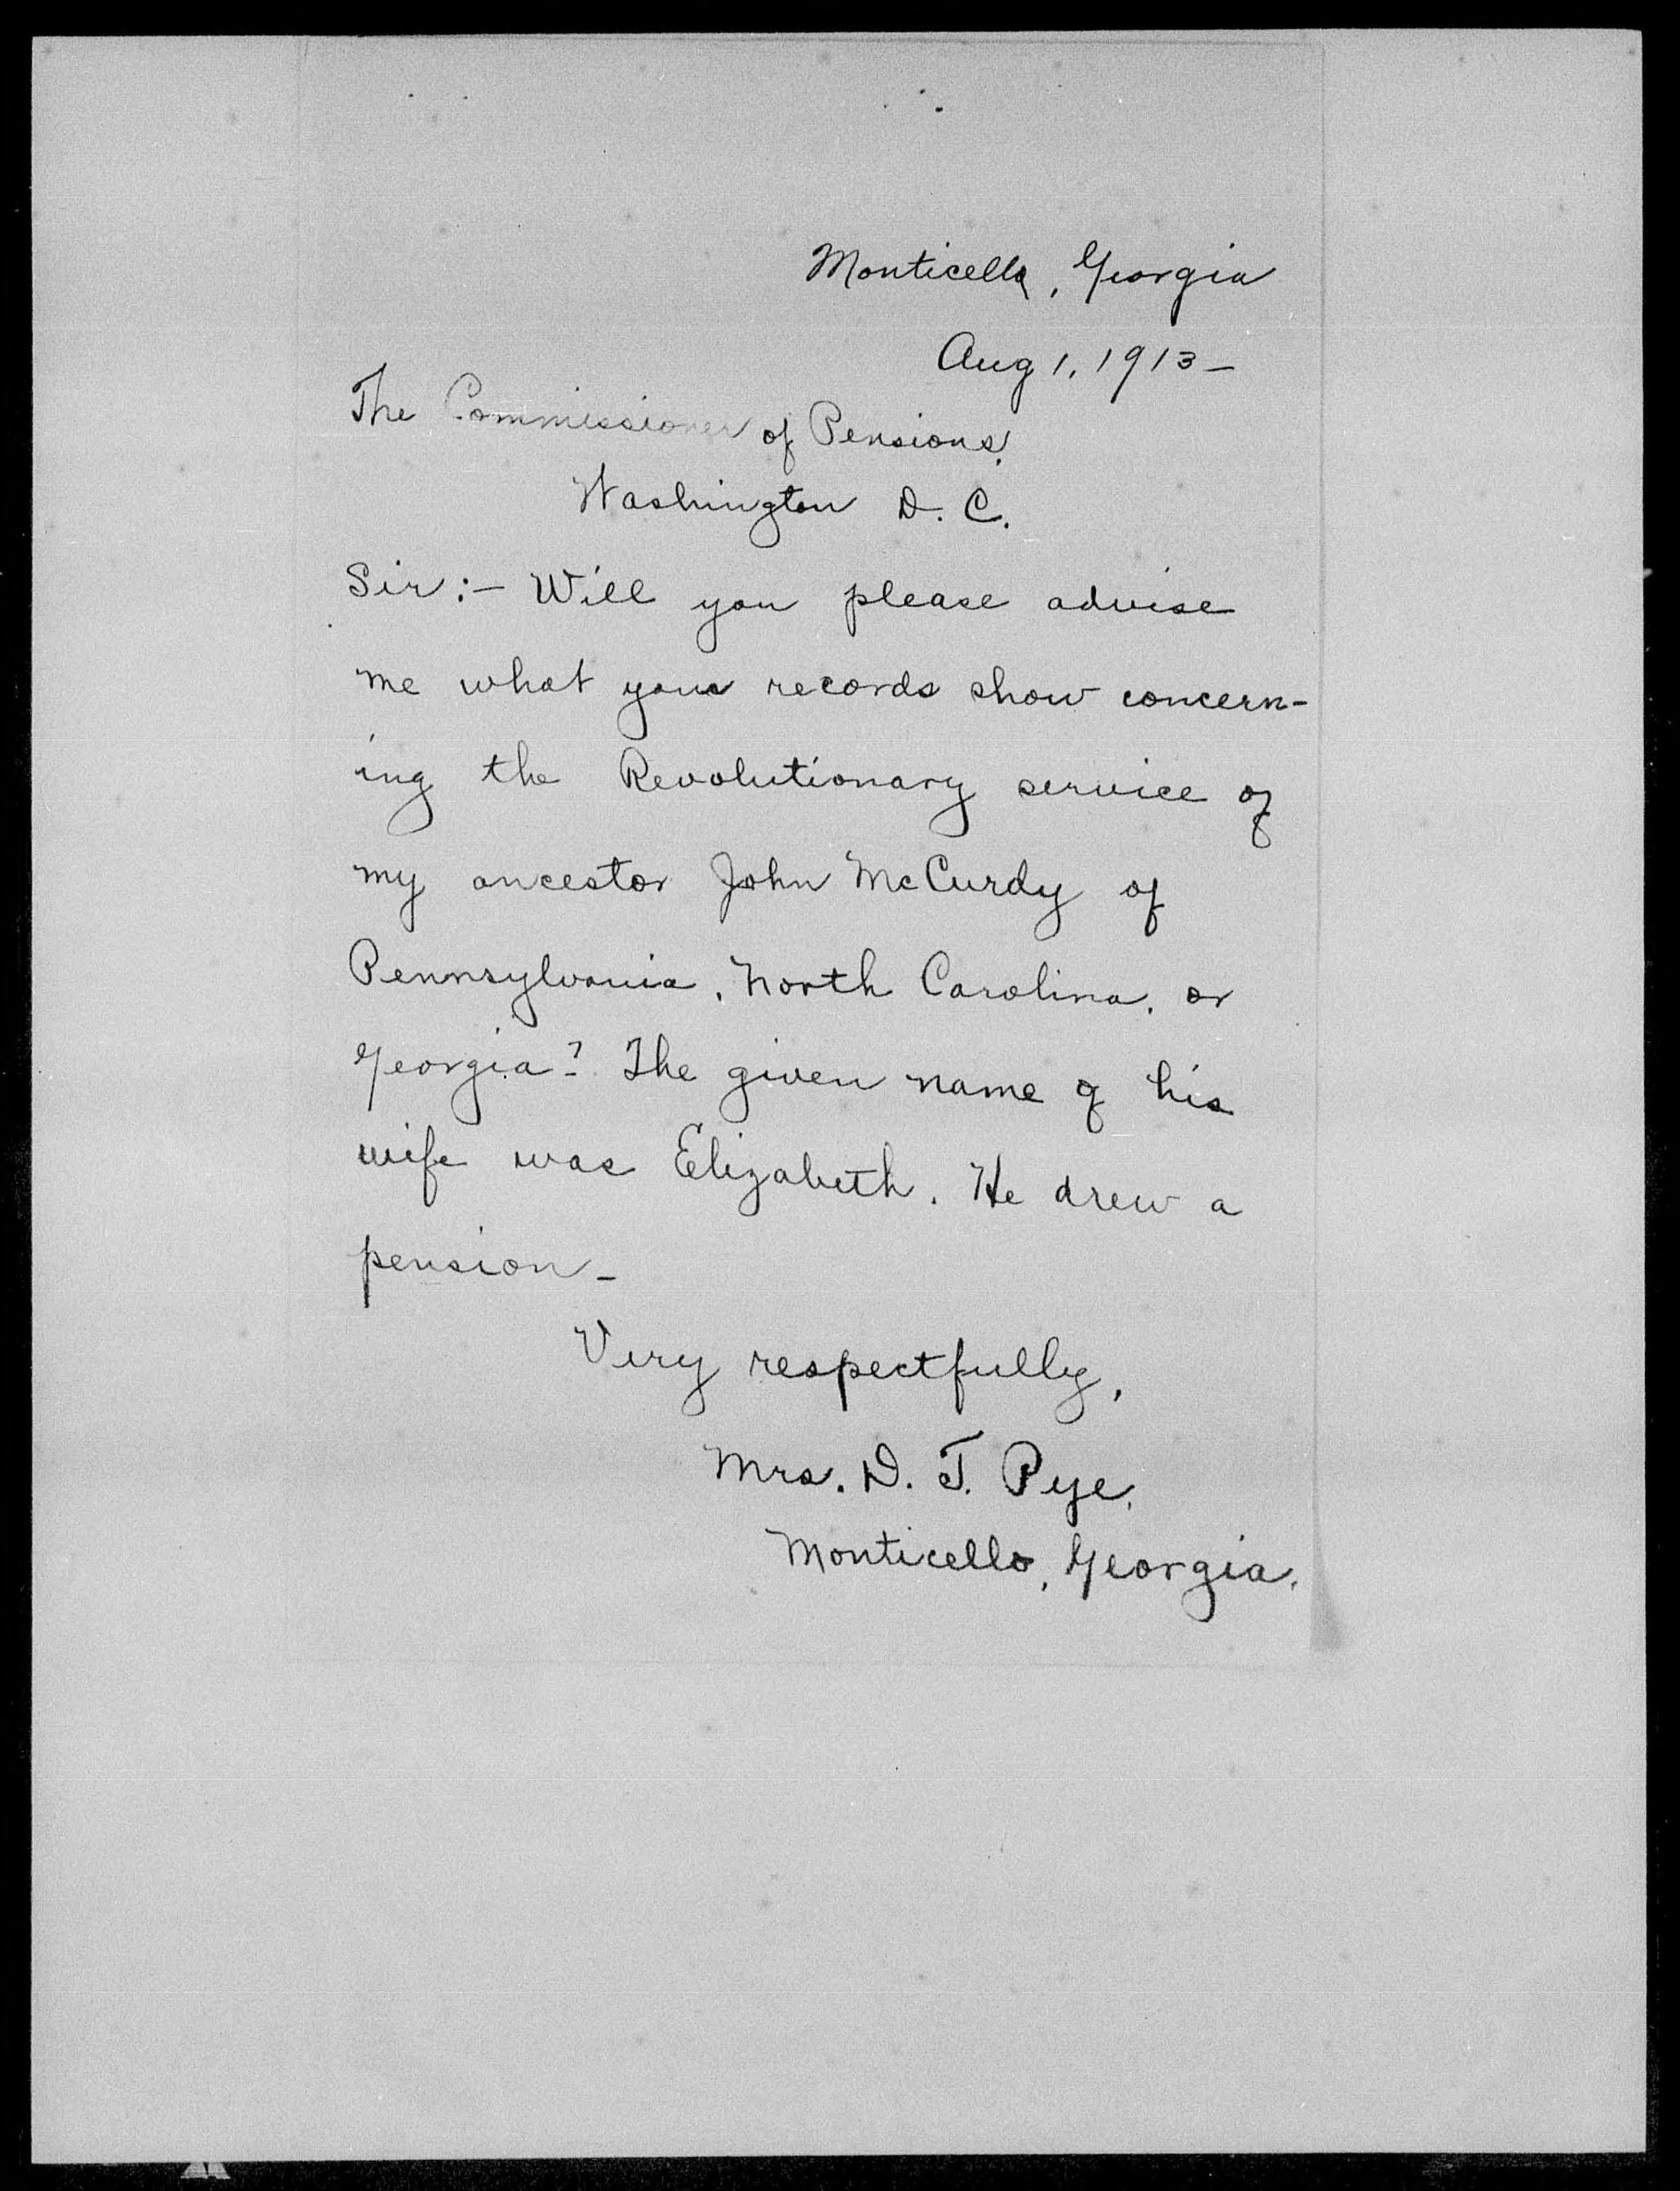Monticello, Georgia
Aug 1, 1913-

The Commissioner of Pensions
Washington D.C.

Sir:- Will you please advise
me what your records show concerning
the Revolutionary service of
my ancestor John McCurdy of
Pennsylvania, North Carolina, or
Georgia? The given name of his
wife was Elizabeth. He drew a
pension.

Very respectfully,
Mrs. D. T. Pye
Monticello, Georgia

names: John Mc Curdy; D T Pye; Elizabeth [BLANK]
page: 15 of 19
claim: survivor's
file: S. 31,855, for John Mc Curdy, Pennsylvania